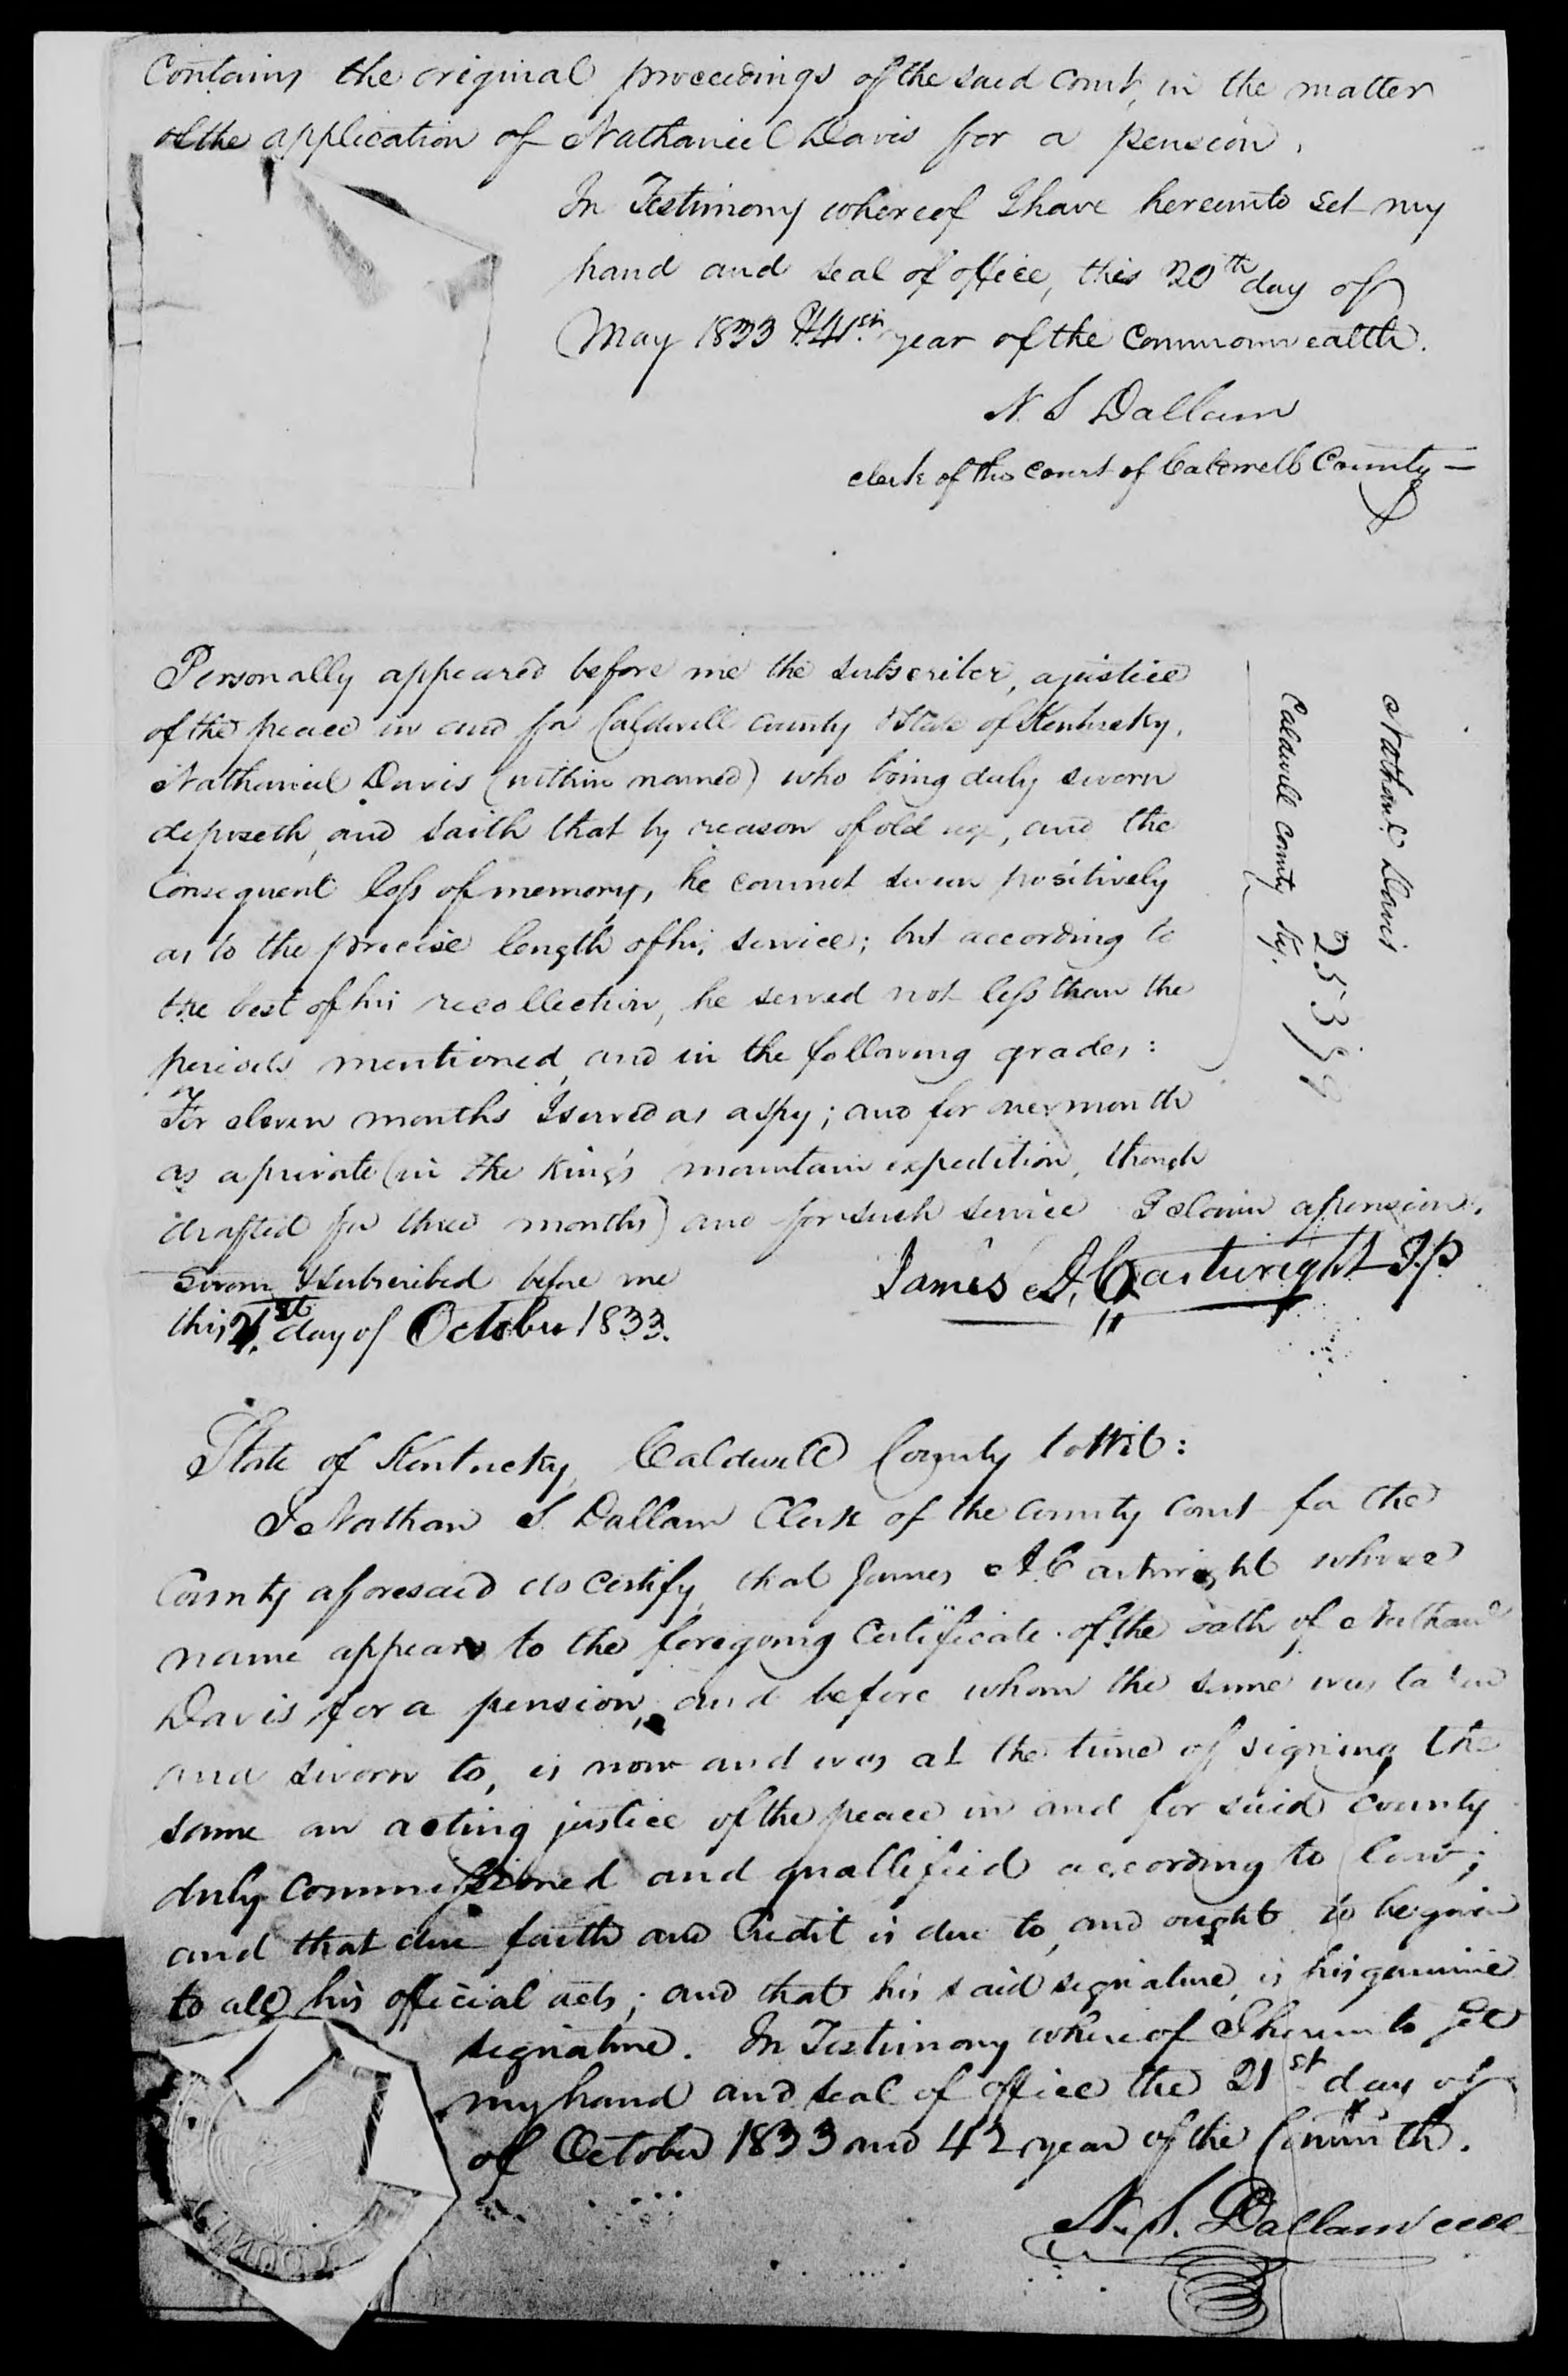Contains the Original proceedings of the said Court, in the matter of the application of Nathaniel Davis for a pension,
In Testimony whereof I have hereunto set my hand and seal of office, this 20th day of May 1833 & 41st year of the Commonwealth.
N S Dallam
clerk of the Court of Caldwell County -

Nathaniel Davis
25379
Caldwell County Ky.

Personally appeared before me the subscriber, a justice of the peace in and for Caldwell County & State of Kentucky, Nathaniel Davis (within named) who being duly sworn deposeth, and Saith that by reason of old age, and the consequent loss of memory, he cannot swear positively as to the precise length of his service; but according to the best of his recollection, he served not less than the periods mentioned, and in the following grades:
For eleven months I served as a spy; and for one month as a private (in the King's mountain expedition, though drafted for three months) and for such service I claim a pension.
Sworn & subscribed before me James A Cartwright JP
this 21st day of October 1833.

State of Kentucky Caldwell County to wit:
I Nathan S Dallam Clerk of the County Court for the County aforesaid do certify that James A. Cartwright whose name appears to the foregoing Certificate of the oath of Nathanl Davis for a pension, and before whom the same was taken was sworn to, is now and was at the time of signing the same an acting justice of the peace in and for said County duly Commissioned and qualified according to law; and that due faith and credit is due to and ought to be given to all his official acts; and that his said signature is his genuine signature. In Testimony whereof I have hereunto set my hand and seal of office the 21st day of of October 1833 and 42 year of the Comm'th.
N. S. Dallam Clk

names: Nathaniel Davis, James A Cartwright, Nathan Davis, Nathanl Davis, James A Cartwright, Nathaniel Davis, Nathan Dallam, N S Dallam, N S Dallam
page: 6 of 18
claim: survivor's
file: S. 30,366, Nathaniel Davis, N.C. Va.